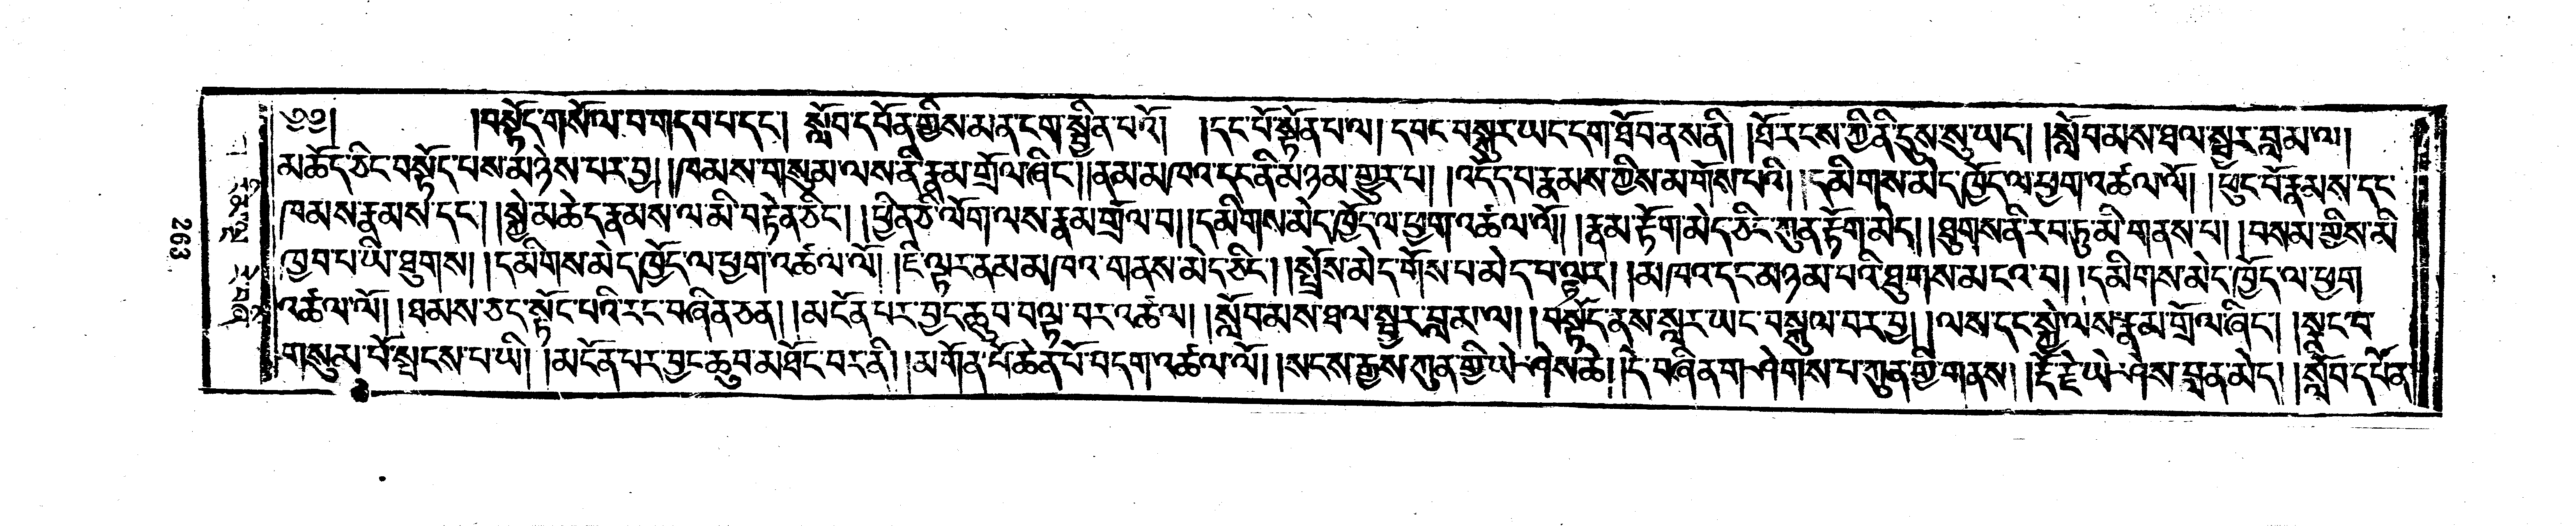༄༅། །བསྟོད་གསོལ་བ་གདབ་པ་དང་། སློབ་དཔོན་གྱིས་མན་ངག་སྦྱིན་པའོ། །དང་པོ་སྟོན་པ་ལ། དབང་བསྐུར་ཡང་དག་ཐོབ་ནས་ནི། །ཐོ་རངས་ཀྱི་ནི་དུས་སུ་ཡང་། །སློབ་མས་ཐལ་སྦྱར་བླ་མ་ལ། །
མཆོད་ཅིང་བསྟོད་པས་མཉེས་པར་བྱ། །ཁམས་གསུམ་ལས་ནི་རྣམ་གྲོལ་ཞིང་། །ནམ་མཁའ་དང་ནི་མཉམ་གྱུར་པ། །འདོད་པ་རྣམས་ཀྱིས་མ་གོས་པའི། །དམིགས་མེད་ཁྱོད་ལ་ཕྱག་འཚལ་ལོ། །ཕུང་པོ་རྣམས་དང་
ཁམས་རྣམས་དང་། །སྐྱེ་མཆེད་རྣམས་ལ་མི་བརྟེན་ཅིང་། །ཕྱིན་ཅི་ལོག་ལས་རྣམ་གྲོལ་བ། །དམིགས་མེད་ཁྱོད་ལ་ཕྱག་འཚལ་ལོ། །རྣམ་རྟོག་མེད་ཅིང་ཀུན་རྟོག་མེད། །ཐུགས་ནི་རབ་ཏུ་མི་གནས་པ། །བསམ་གྱིས་མི་
ཁྱབ་པ་ཡི་ཐུགས། །དམིགས་མེད་ཁྱོད་ལ་ཕྱག་འཚལ་ལོ། །ཇི་ལྟར་ནམ་མཁའ་གནས་མེད་ཅིང་། །སྤྲོས་མེད་གོས་པ་མེད་པ་ལྟར། །མཁའ་དང་མཉམ་པའི་ཐུགས་མངའ་བ། །དམིགས་མེད་ཁྱོད་ལ་ཕྱག་
འཚལ་ལོ། །ཐམས་ཅད་སྟོང་པའི་རང་བཞིན་ཅན། །མངོན་པར་བྱང་ཆུབ་བལྟ་བར་འཚལ། །སློབ་མས་ཐལ་སྦྱར་བླ་མ་ལ། །བསྟོད་ནས་སླར་ཡང་བསྐུལ་བར་བྱ། །ལས་དང་སྐྱེ་ལས་རྣམ་གྲོལ་ཞིང་། །སྣང་བ་
གསུམ་པོ་སྤངས་པ་ཡི། །མངོན་པར་བྱང་ཆུབ་མཐོང་བར་ནི། །མགོན་པོ་ཆེན་པོ་བདག་འཚལ་ལོ། །སངས་རྒྱས་ཀུན་གྱི་ཡེ་ཤེས་ཆེ། །དེ་བཞིན་གཤེགས་པ་ཀུན་གྱི་གནས། །རྡོ་རྗེ་ཡེ་ཤེས་བླ་ན་མེད། །སློབ་དཔོན་